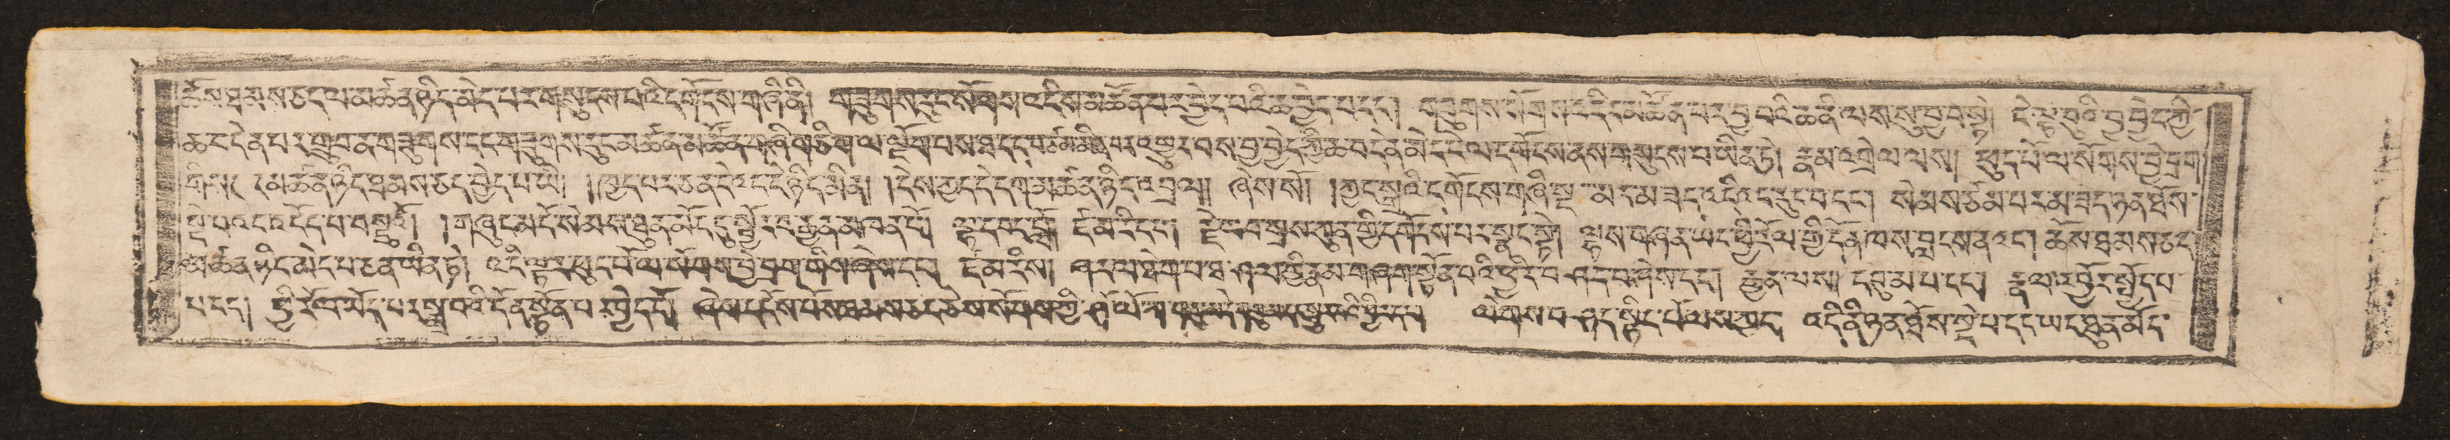ཆོས་ཐམས་ཅད་ལ་མཚན་ཉིད་མེད་པར་གསུངས་པའི་དགོངས་གཞི་ནི། གཟུགས་རུང་སོགས་འདིས་མཚོན་པར་བྱེད་པའི་ཆ་བྱེད་པ་དང་། གཟུགས་སོགས་འདིར་མཚོན་པར་བྱ་བའི་ཆ་ནི་ལས་སུ་བྱ་བ་སྟེ། དེ་ལྟ་བུའི་བྱ་བྱེད་ཀྱི་
ཆ་བདེན་པར་གྲུབ་ན་གཟུགས་རང་གཟུགས་རུང་མཚན་མཚོན་གཞི་གཅིག་ལ་ལྡོག་པས་ཐ་དད་པ་ཙམ་མིན་པར་འགྱུར་བས་བྱ་བྱེད་ཀྱི་ཆ་བདེན་མེད་དེ་ལ་དགོངས་ནས་གསུངས་པ་ཡིན་ཏེ། རྣམ་འགྲེལ་ལས། ཕུད་པོ་ལ་སོགས་བྱེ་བྲག་
གིས༑ ༑མཚན་ཉིད་ཐམས་ཅད་བྱེད་པ་ཡི། །ཁྱད་པར་ཅན་དེའང་དེ་ཉིད་མིན། །དེས་ཀྱང་དེ་དག་མཚན་ཉིད་འབྲལ། ཞེས་སོ། །ཀྱང་སྒྲའི་དགོངས་གཞི་སྔ་མར་མ་ཟད་འདིའང་རུང་བ་དང་། སེམས་ཙམ་པར་མ་ཟད་ཉན་ཐོས་
སྡེ་བའང་འདོད་པ་བསྡུའོ། །གཞུང་མདོ་སེམས་ཐུན་མོང་དུ་སྦྱོར་བརྒྱན་མཁན་པོ། ལྷ་དབང་བློ། ཛ་མ་རི་དང་། རྗེ་ལ་བསྲས་ཀུན་གྱི་དགོངས་པར་སྣང་སྟེ། ལྷས་གཞན་ཡང་ཕྱི་རོལ་གྱི་དོན་ཁས་བླངས་ནའང་། ཆོས་ཐམས་ཅད་
མཚན་ཉིད་མེད་པ་ཅན་ཡིན་ཏེ། འདི་ལྟར་ཕུང་པོ་ལ་སོགས་བྱེ་བྲག་གིས་ཞེས་དང་། ཛ་མ་རིས། ཞར་ལ་ཐེག་པ་ཐ་ཤལ་གྱི་རྣམ་གཞག་སྟོན་པའི་ཕྱིར་བཤད་པ་ཞེས་དང་། རྒྱན་ལས། དབུ་མ་པ་དང་། རྣལ་འབྱོར་སྤྱོད་པ་
པ་དང་། ཕྱི་རོལ་ཡོད་པར་སྨྲ་བའི་དོན་སྟོན་པར་བྱེད་དོ། ཞེས་དངོས་པོས་ཐམས་ཅད་ཅེས་སོགས་ཀྱི་ཤོ་ལོ་ཀ་གསུམ་དེ་གསུམ་དང་སྦྱར་བའི་ཕྱིར་དང་། ལེགས་བཤད་སྙིང་པོ་ལས་ཀྱང་། འདི་ནི་ཉན་ཐོས་སྡེ་པ་དང་ཡང་ཐུན་མོང་